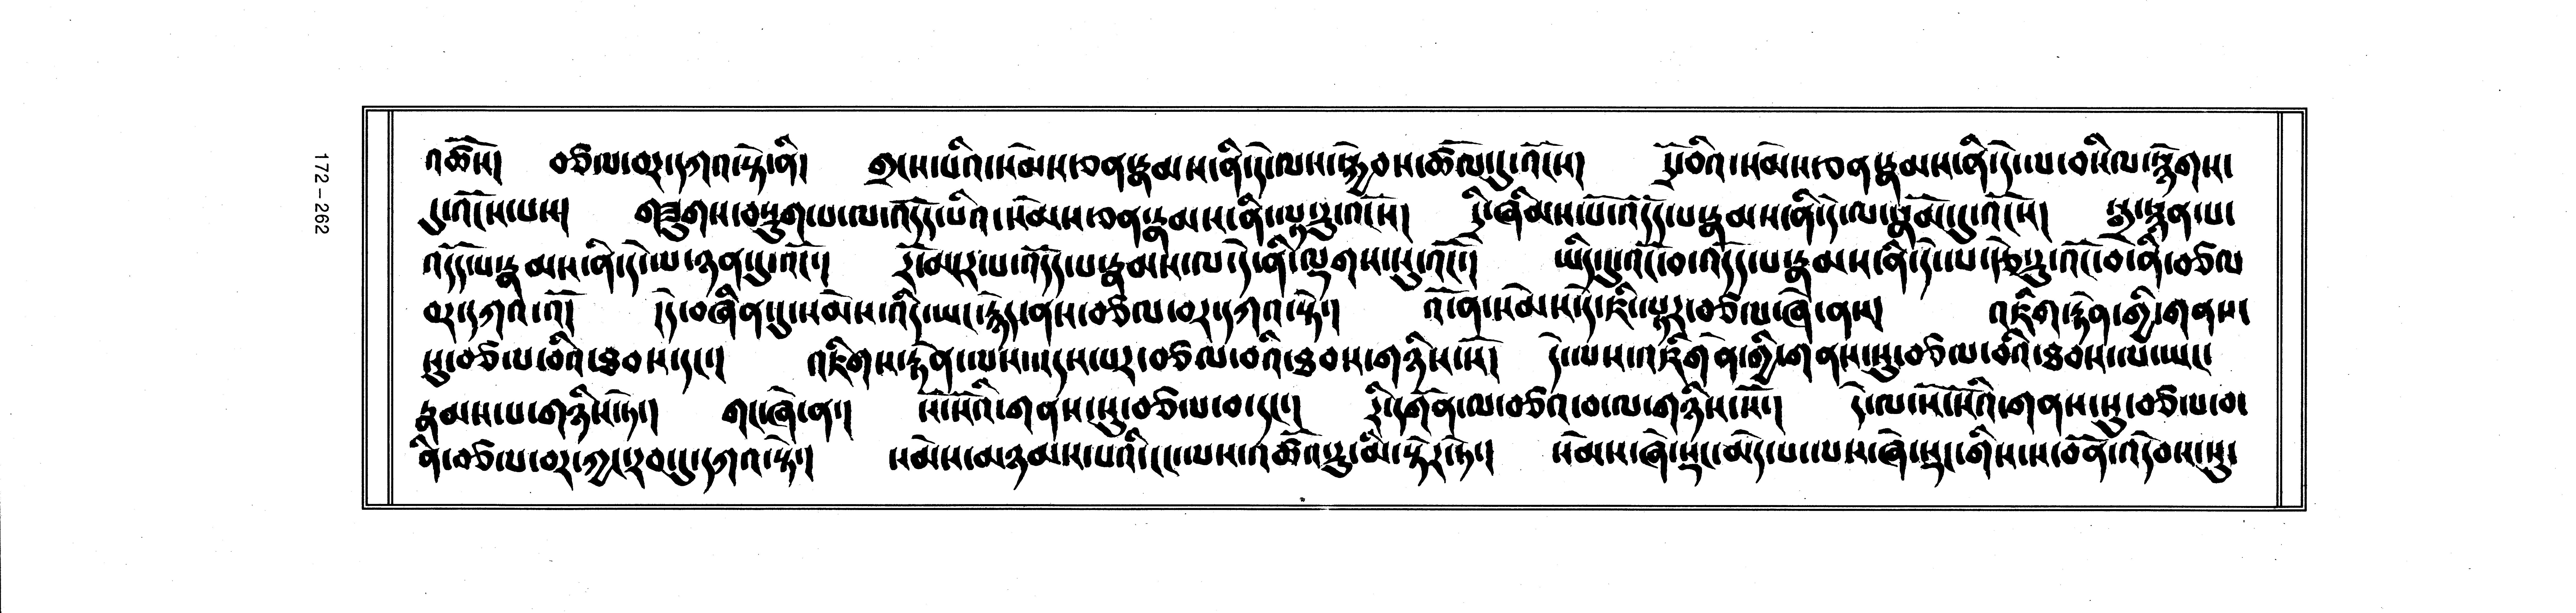འཚོས། བཙལ་བར་དཀའ་སྟེ་ནི། གྲངས་པའི་སེམས་ཅན་རྣམས་ནི་དེ་ལས་སྐྱབས་འཚོལ་དུ་འོངས། དྲོ་བའི་སེམས་ཅན་རྣམས་ནི་དེ་ལ་བསིལ་སྙོགས་
དུ་འོངས་པས། གཟུགས་བསྡུག་པ་ལ་འདོད་པའི་སེམས་ཅན་རྣམས་ནི་ལྟ་རུ་འོངས། དྲི་ཞིམས་པོ་འདོད་པ་རྣམས་ནི་དེ་ལ་སྣོམ་དུ་འོངས། སྒྲ་སྙན་པ་
འདོད་པ་རྣམས་ནི་དེ་ལ་ཉན་དུ་འོང་། རོ་མངར་པ་འདོད་པ་རྣམས་ལ་དེ་ནི་ལྡགས་སུ་འོང་། ཡིད་དུ་འོང་བ་འདོད་པ་རྣམས་ནི་དེ་ལ་རྩེ་རུ་འོང་བ་ནི་བཙལ་
བར་དཀའ་འོ། དེ་བཞིན་དུ་སེམས་འདི་ཡང་རྙེད་ནས་བཙལ་བར་དཀའ་སྟེ། འོ་ན་སེམས་དེ་ཇི་ལྟར་བཙལ་ཞེ་ནས། འཇིག་རྟེན་གྱི་གནས་
སུ་བཙལ་བའི་ཐབས་དང་། འཇིགས་རྟེན་ལས་འདས་པར་བཙལ་བའི་ཐབས་གཉིས་སྭོ། དེ་ལས་འཇིག་རྟེན་གྱི་གནས་སུ་བཙལ་བའི་ཐབས་ལས་ཡང་
རྣམ་པ་གཉིས་ཏེ། གང་ཞེ་ན། སོ་སོའི་གནས་སུ་བཙལ་བ་དང་། རི་དགོན་ལ་བཙའ་བ་ལ་གཉིས་སོ། དེ་ལ་སོ་སོའི་གནས་སུ་བཙལ་བ་
ནི་བཙལ་བར་ཀྱང་རབ་དུ་དཀའ་སྟེ། སེམས་མཉམས་པའི་ངང་ལས་འཚོའ་རུ་མི་སྟེར་ཏེ། སེམས་ཞེ་སྡང་མེད་པ་ལས་ཞེ་སྡང་གིས་ས་བོན་འདེབས་སུ་འོང་སྟེ།